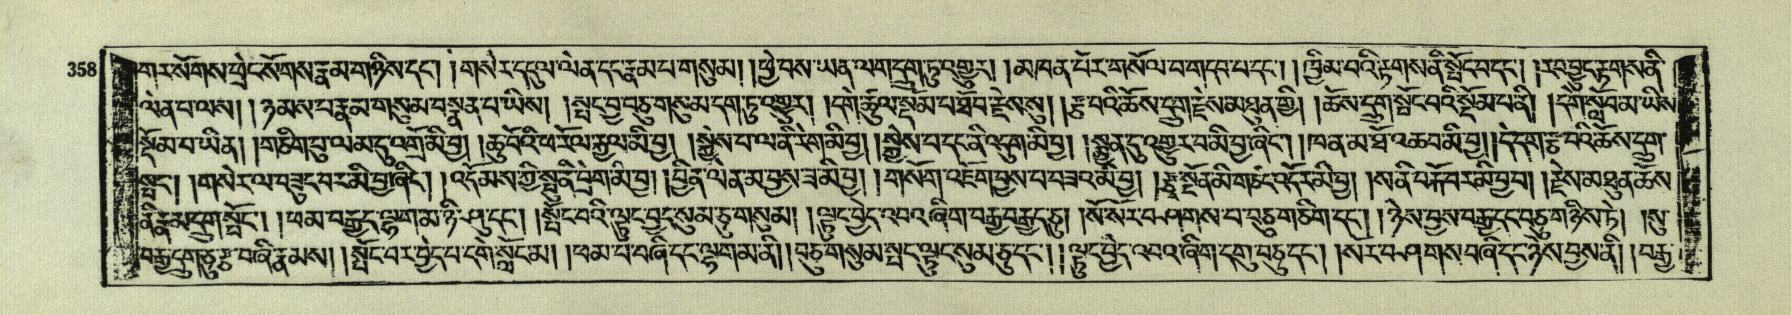གར་སོགས་ཕྲེང་སོགས་རྣམ་གཉིས་དང་། །གསེར་དངུལ་ལེན་དང་རྣམ་པ་གསུམ། །ཕྱེ་བས་ཡན་ལག་དྲུག་ཏུ་འགྱུར། །མཁན་པོར་གསོལ་བ་གདབ་པ་དང་། །ཁྱིམ་པའི་རྟགས་ནི་སྤོང་བ་དང་། །རབ་བྱུང་རྟགས་ནི་
ལེན་པ་ལས། །ཉམས་པ་རྣམ་གསུམ་བསྣན་པ་ཡིས། །སྤང་བྱ་བཅུ་གསུམ་དག་ཏུ་འགྱུར། །དགེ་ཚུལ་སྡོམ་པ་ཐོབ་རྗེས་སུ། །རྩ་བའི་ཆོས་དྲུག་རྗེས་མཐུན་གྱི། །ཆོས་དྲུག་སྤོང་བའི་སྡོམ་པ་ནི། །དགེ་སློབ་མ་ཡིས་
སྡོམ་པ་ཡིན། །གཅིག་པུ་ལམ་དུ་འགྲོ་མི་བྱ། །ཆུ་བོའི་ཕ་རོལ་རྐྱལ་མི་བྱ། །སྐྱེས་པ་ལ་ནི་རེག་མི་བྱ། །སྐྱེས་པ་དང་ནི་འདུག་མི་བྱ། །སྨྱན་དུ་འགྱུར་བ་མི་བྱ་ཞིང་། །ཁ་ན་མ་ཐོ་འཆབ་མི་བྱ། །དེ་དག་རྩ་བའི་ཆོས་དྲུག་
སྤང་། །གསེར་ལ་བཟུང་བར་མི་བྱ་ཞིང་། །འདོམས་ཀྱི་སྤུ་ནི་བྲེག་མི་བྱ། །བྱིན་ལེན་མ་བྱས་ཟ་མི་བྱ། །གསོག་འཇོག་བྱས་པ་བཟའ་མི་བྱ། །རྩྭ་སྔོན་མི་གཙང་འདོར་མི་བྱ། །ས་ནི་བརྐོ་བར་མི་བྱ་བ། །རྗེས་མཐུན་ཆོས་
ནི་རྣམ་དྲུག་སྤོང་། །ཕམ་བརྒྱད་ལྷག་མ་ཉི་ཤུ་དང་། །སྤོང་བའི་ལྟུང་བྱང་སུམ་ཅུ་གསུམ། །ལྟུང་བྱེད་འབའ་ཞིག་བརྒྱ་བརྒྱད་ཅུ། །སོ་སོར་བཤགས་པ་བཅུ་གཅིག་དང་། །ཉེས་བྱས་བརྒྱ་དང་བཅུ་གཉིས་ཏེ། །སུ་
བརྒྱ་དྲུག་ཅུ་རྩ་བཞི་རྣམས། །སྤོང་བར་བྱེད་པ་དགེ་སློང་མ། །ཕམ་པ་བཞི་དང་ལྷག་མ་ནི། །བཅུ་གསུམ་སྤང་ལྟུང་སུམ་ཅུ་དང་། །ལྟུང་བྱེད་འབའ་ཞིག་དགུ་བཅུ་དང་། །སོར་བཤགས་བཞི་དང་ཉེས་བྱས་ནི། །བརྒྱ་